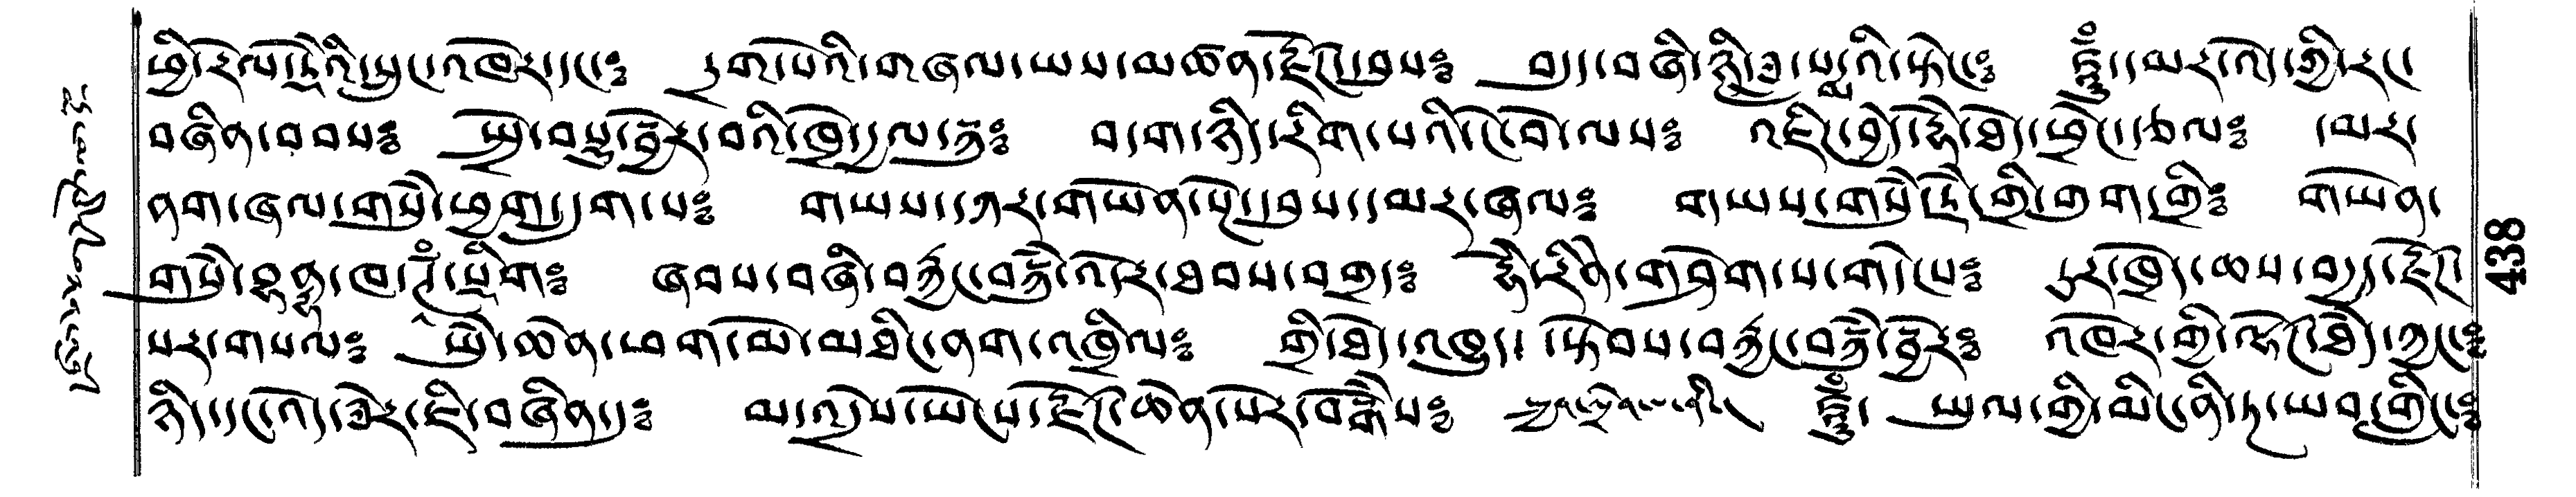ཕྱི་རོལ་རྡོ་རྗེའི་སྲུང་འཁོར་དང༔ དྲག་པོའི་གཞལ་ཡས་མཚན་རྫོགས་དབུས༔ བདུད་བཞི་ཉི་ཟླ་པདྨའི་སྟེང༔ ཧཱུྃ་དམར་འོད་ཀྱི་རང་
བཞིན་བབས༔ སྤྲོ་བསྡུ་སྦྱོར་བའི་ཁྲོ་རྒྱལ་སྐུ༔ བདག་ཉིད་རིག་པའི་ངོ་བོ་ལས༔ འཇིགས་བྱེད་རྡོ་རྗེ་ཐོད་ཕྲེང་རྩལ༔ དམར་
ནག་ཞལ་གསུམ་ཕྱག་དྲུག་པ༔ གཡས་དཀར་གཡོན་སྔོ་དབུས་དམར་ཞལ༔ གཡས་གསུམ་རྡོ་རྗེ་གྲི་གུག་གྲི༔ གཡོན་
གསུམ་བྷནྡྷ་ཁ་ཊཱྃ་སྡིག༔ ཞབས་བཞི་བརྐྱང་བསྐུམ་འདོར་ཐབས་བགྲད༔ རྡོ་རྗེ་རིན་ཆེན་གཤོག་པ་གདེངས༔ དུར་ཁྲོད་ཆས་བརྒྱད་རྫོགས་
པར་གསལ༔ ཡུམ་ཆེན་ཕག་མོ་མཐིང་ནག་འཁྲིལ༔ གྲི་ཐོད་འཁྱུད་སྟོབ་བརྐྱང་བསྐུམ་སྦྱོར༔ འཁོར་གྱི་ལྷ་ཚོགས་ཐམས་ཅད་ཀྱང༔ 
ཉིད་དང་འོད་ཟེར་ཇི་བཞིན་དུ༔ མ་འདྲེས་ཡོངས་རྫོགས་ཆེན་པོར་བསྒོམས༔ སྤྱན་འདྲེན་པ་ནི། ཧཱུྃ༔ ཡུལ་གྱི་མིང་ནི་རྔ་ཡབ་གླིང༔